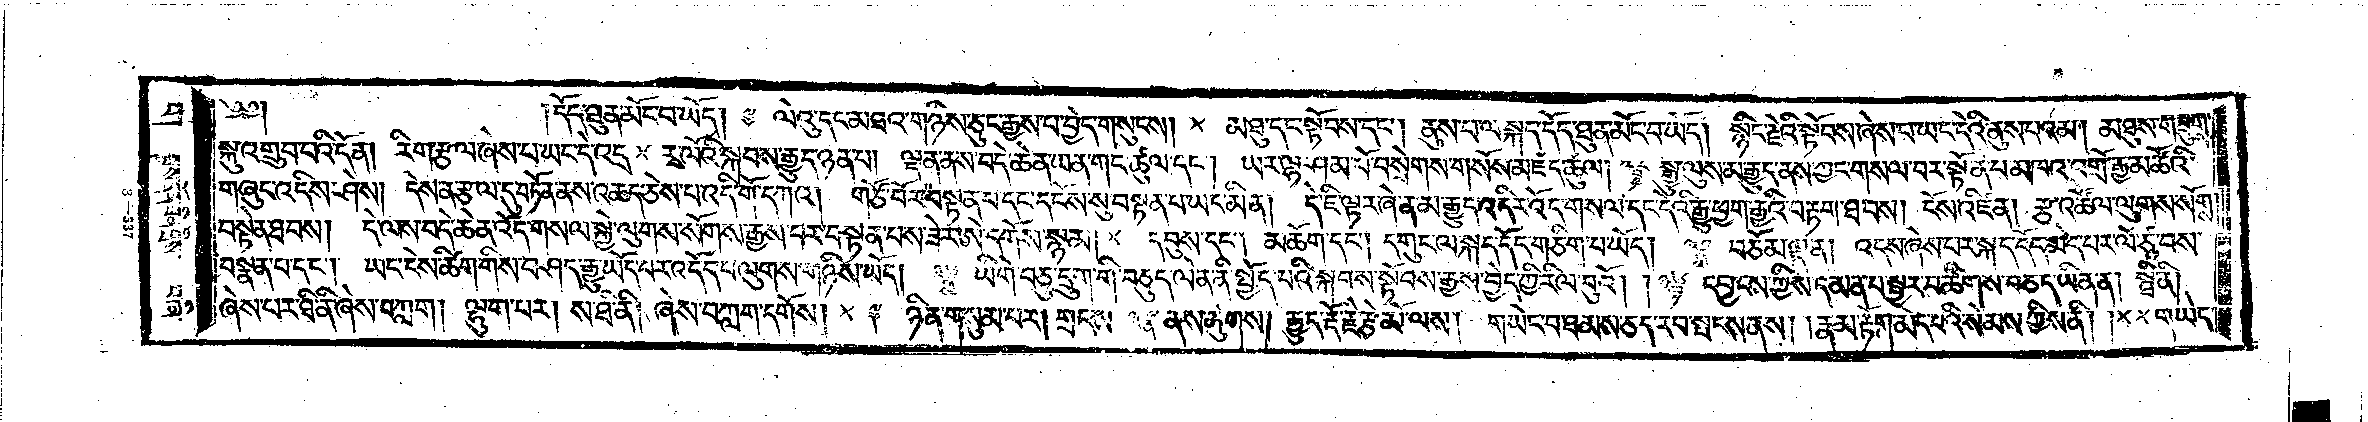༄༅། །དོད་ཐུན་མོང་བ་ཡོད། ༈ ལེའུ་དང་མཐའ་གཉིས་ཅུང་རྒྱས་པ་བྱེད་གསུངས། ྾མཐུ་དང་སྟོབས་དང་། ནུས་པ་ལ་སྐད་དོད་ཐུན་མོང་བ་ཡོད། སྙིང་རྗེའི་སྟོབས་ཞེས་པ་ཡང་དེའི་ནུས་པའམ། མཐུས་གཟུགས་
སྐུ་འགྲུབ་པའི་དོན། རིག་རྩལ་ཞེས་པ་ཡང་དེ་འདྲ་྾་རྭ་ལོའི་སྐབས་རྒྱུད་ཉན་པ། ལྡན་ནས་བདེ་ཆེན་ཡང་གང་ཚུལ་དང་། ཡར་ལྷ་ཤམ་པོ་བསྲེགས་གསོས་མཛད་ཚུལ། ༢༨བ༡་སྒྱུ་ལུས་མ་རྒྱུད་ནས་ཀྱང་གསལ་བར་སྟོན་པ་མཁའ་འགྲོ་རྒྱ་མཚོའི་
གཞུང་འདིས་ཤེས། དེས་ན་རྩལ་དུ་བཏོན་ནས་འཆད་ཅེས་པ་འདི་གོ་དཀའ། གཙོ་བོར་བསྟན་པ་དང་དངོས་སུ་བསྟན་པ་ཡང་མིན། དེ་ཇི་ལྟར་ཞེ་ན་མ་རྒྱུད་འདིར་འོད་གསལ་དང་དེའི་རྒྱུ་ཕྱག་རྒྱའི་བརྟག་ཐབས། ངོས་འཛིན། རྩ་འཚོལ་ལུགས་སོགས་
བསྟེན་ཐབས། དེ་ལས་བདེ་ཆེན་འོད་གསལ་སྐྱེ་ལུགས་སོགས་རྒྱས་པར་བསྟན་པས་ཟེར་ཨེ་དགོས་སྙམ། ྾་དབུས་དང་། མཆོད་དང་། དགུང་ལ་སྐད་དོད་གཅིག་པ་ཡོད། ༣༣ན༢་བཅོམ་ལྡན། འདས་ཞེས་པར་སྐད་དོད་མེད་པར་ལོ་ཙཱ་བས་
བསྣན་པ་དང་། སང་ངེས་ཚིག་གིས་བཤད་རྒྱུ་ཡོད་པར་འདོད་པ་ལུགས་གཉིས་ཡོད། ༣༦ན༤་ཡི་གེ་བཅུ་དྲུག་གི་བཅུད་ལེན་ནི་སྤྱོད་པའི་སྐབས་སྟོབས་རྒྱས་བྱེད་ཀྱི་རིལ་བུའོ། །༣༦བ༡་དབྱངས་ཀྱིས་དམན་པ་སྦྱར་བ་ཚིགས་བཅད་ཡིན་ན། སྠི་ནི།
ཞེས་པར་ཐི་ནི་ཞེས་བཀླག། ལྷུག་པར། ས་ཐི་ནི། ཞེས་བཀླག་དགོས།྾་༈ ཉིན་གསུམ་པར། གྲངས ༣༧ན་ནས་ཚུགས། རྒྱུད་རྡོ་རྗེ་རྩེ་མོ་ལས། གཡེང་བ་ཐམས་ཅད་རབ་སྤངས་ནས། །རྣམ་རྟོག་མེད་པའི་སེམས་ཀྱིས་ནི། །྾྾གཡེད་